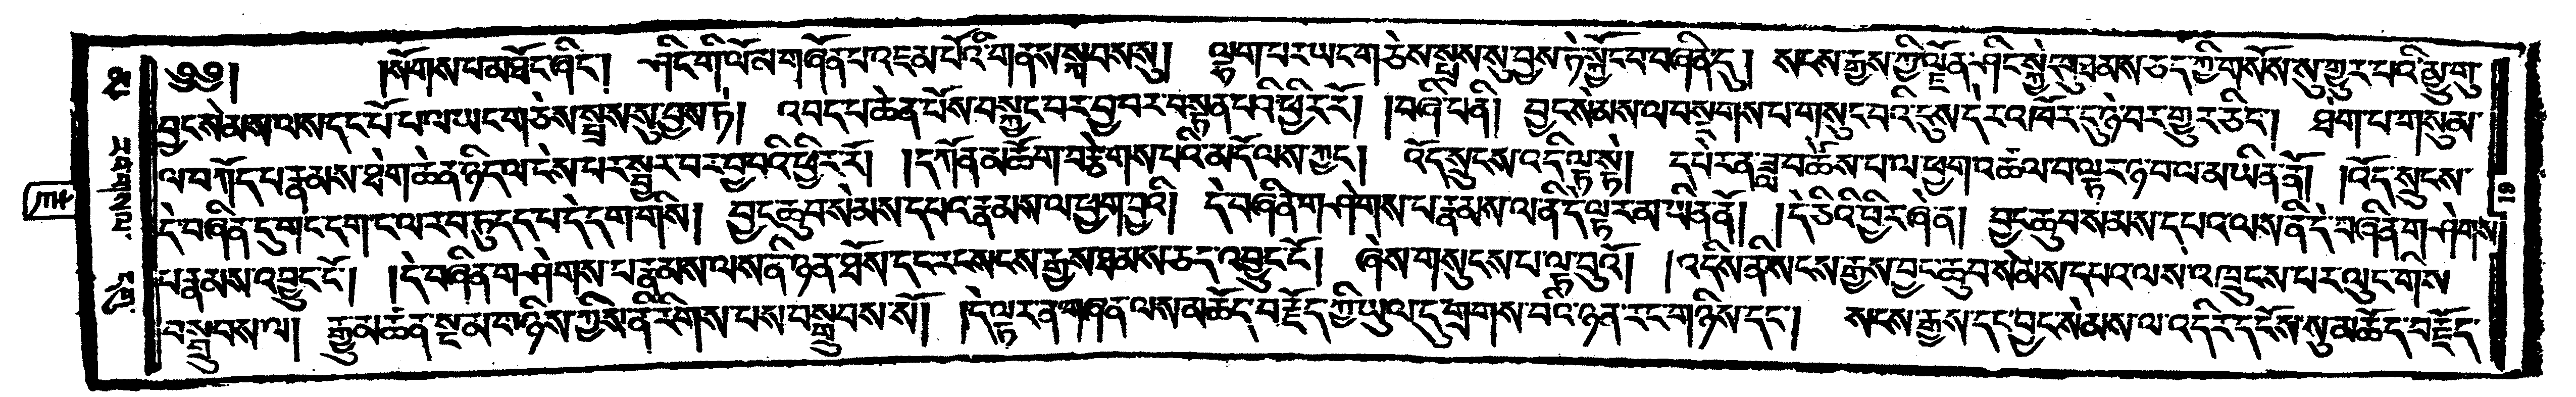༄༅། །སོགས་པ་མཐོང་ཞིང་། ཤིང་གི་ལོ་མ་གཞོན་པ་འཇམ་པོའི་གནས་སྐབས་སུ། ལྷག་པར་ཡང་གཅེས་སྤྲས་སུ་བྱས་ཏེ་སྐྱོང་བ་བཞིན་དུ། སངས་རྒྱས་ཀྱི་ལྗོན་ཤིང་སྐྱེ་དགུ་ཐམས་ཅད་ཀྱི་གསོས་སུ་གྱུར་པའི་མྱུ་གུ་
བྱང་སེམས་ལས་དང་པོ་པ་ལ་ཡང་གཅེས་སྤྲས་སུ་བྱས་ཏེ། འབད་པ་ཆེན་པོས་བསྐྱང་བར་བྱ་བར་བསྟན་པའི་ཕྱིར་རོ། །བཞི་པ་ནི། བྱང་སེམས་ལ་བསྔགས་པ་གསུང་བའི་དུས་དེར་འཁོར་དུ་ཉེ་བར་གྱུར་ཅིང་། ཐེག་པ་གསུམ་
ལ་བཀོད་པ་རྣམས་ཐེག་ཆེན་ཉིད་ལ་ངེས་པར་སྦྱར་བར་བྱ་བའི་ཕྱིར་རོ། །དཀོན་མཆོག་བརྩེགས་པའི་མདོ་ལས་ཀྱང་། འོད་སྲུངས་འདི་ལྟ་སྟེ། དཔེར་ན་ཟླ་བ་ཚེས་པ་ལ་ཕྱག་འཚལ་བ་ལྟར་ཉ་བ་ལ་མ་ཡིན་ནོ། །འོད་སྲུངས་
དེ་བཞིན་དུ་གང་དག་ང་ལ་རབ་ཏུ་དད་པ་དེ་དག་གིས། བྱང་ཆུབ་སེམས་དཔའ་རྣམས་ལ་ཕྱག་བྱའི། དེ་བཞིན་གཤེགས་པ་རྣམས་ལ་ནི་དེ་ལྟར་མ་ཡིན་ནོ། །དེ་ཅིའི་ཕྱིར་ཞེ་ན། བྱང་ཆུབ་སེམས་དཔའ་ལས་ནི་དེ་བཞིན་གཤེགས་
པ་རྣམས་འབྱུང་ངོ། །དེ་བཞིན་གཤེགས་པ་རྣམས་ལས་ནི་ཉན་ཐོས་དང་རང་སངས་རྒྱས་ཐམས་ཅད་འབྱུང་ངོ། །ཞེས་གསུངས་པ་ལྟ་བུའོ། །འདིས་ནི་སངས་རྒྱས་བྱང་ཆུབ་སེམས་དཔའ་ལས་འཁྲུངས་པར་ལུང་གིས་
བསྒྲུབས་ལ། རྒྱུ་མཚན་སྔ་མ་གཉིས་ཀྱིས་ནི་རིགས་པས་བསྒྲུབས་སོ། །དེ་ལྟར་ན་གཞན་ལས་མཆོད་བརྗོད་ཀྱི་ཡུལ་དུ་གྲགས་པའི་ཉན་རང་གཉིས་དང་། སངས་རྒྱས་དང་བྱང་སེམས་ལ་འདིར་དངོས་སུ་མཆོད་བརྗོད་